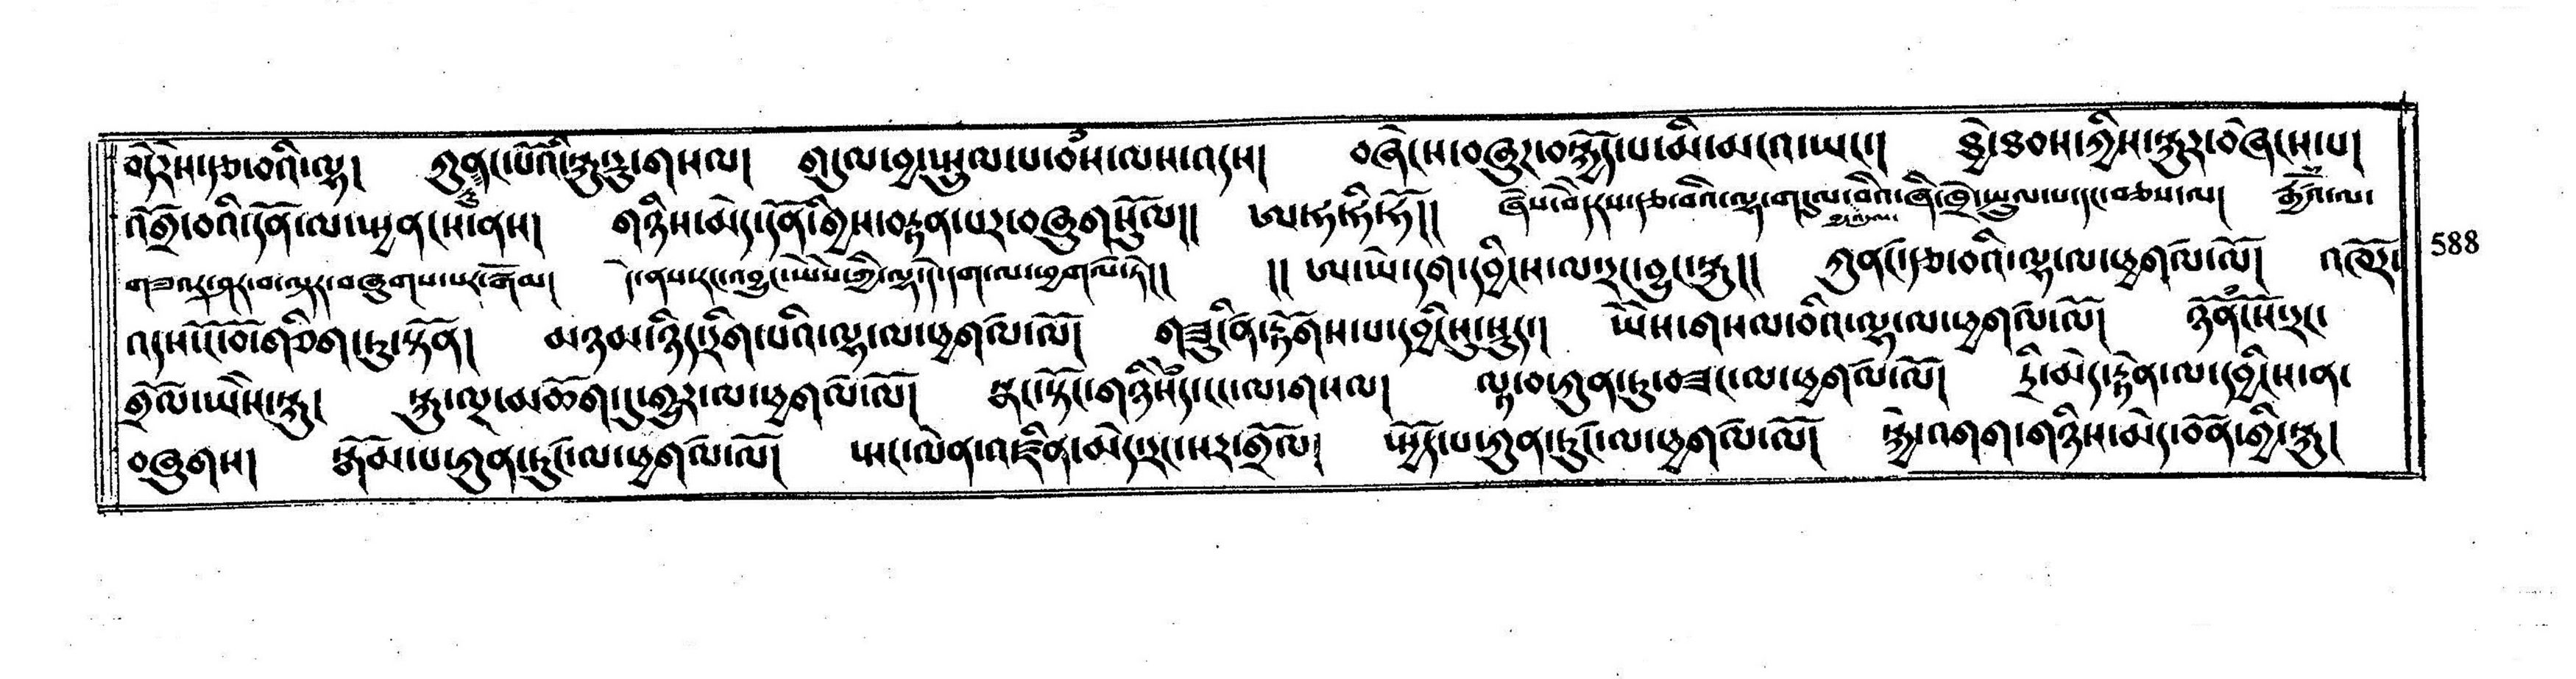བདེར་གཤེགས་རྩ་བའི་ལྷ། ཀུན་ཏུ་བཟང་པོའི་སྐུ་རུ་གསལ། གདུལ་བྱ་སྤྲུལ་པ་བསམ་ལས་འདས། བཞེངས་བཞུགས་བསྐྱོད་པ་མི་མངའ་ཡང་། ཐུགས་རྗེ་ཐབས་ཀྱིས་སྐུར་བཞེངས་པ། 
འགྲོ་བའི་དོན་ལ་སྤྱན་དྲངས་ནས། གཉིས་མེད་དོན་གྱིས་བརྟན་པར་བཞུགས་སུ་གསོལ།། ཨ་ཧ་ཧི་ཧོ།། ཞེས་བདེར་གཤེགས་རྩ་བའི་ལྷ་གདུལ་བྱ་འདུལ་བའི་ཞི་ཁྲོ་སྤྲུལ་པ་དང་བཅས་ལ། རྒྱ་མཚོ་ལ་
གཟའ་སྐར་ཤར་བ་ལྟར་བཞུགས་པར་སྒོམ། དེ་ནས་རང་འབྱུང་ཡེ་ཤེས་ཀྱི་ལྷ་དེ་དག་ལ་ཕྱག་འཚལ་ཏེ།། །།ཨ་ཡེ་དག་དབྱིངས་ལ་རང་བྱུང་སྐུ།། ཀུན་བཟང་རྩ་བའི་ལྷ་ལ་ཕྱག་འཚལ་ལོ། འཁོར་
འདས་ངོ་བོ་གཅིག་ཏུ་སྟོན། མཉམ་ཉིད་རིག་པའི་ལྷ་ལ་ཕྱག་འཚལ་ལོ། གཟུང་འཛིན་རྟོགས་པ་དབྱིངས་སུ་སྡུད། ཡེ་ཤེས་གསལ་བའི་ལྷ་ལ་ཕྱག་འཚལ་ལོ། ཉོན་མོངས་རང་
གྲོལ་ཡེ་ཤེས་སྐུ། སྐུ་ལྔ་མཆོག་དུ་གྱུར་ལ་ཕྱག་འཚལ་ལོ། སྣང་སྟོང་གཉིས་མེད་ངང་ལ་གསལ། ལྟ་བ་ཀུན་ཏུ་བཟང་ལ་ཕྱག་འཚལ་ལོ། དྲི་མེད་རྟེན་ལ་དབྱིངས་ན་
བཞུགས། སྒོམ་པ་ཀུན་ཏུ་བཟང་ལ་ཕྱག་འཚལ་ལོ། སྤང་ལེན་འཛིན་མེད་རང་སར་གྲོལ། སྤྱོད་པ་ཀུན་ཏུ་བཟང་ལ་ཕྱག་འཚལ་ལོ། སྐྱེ་འགག་གཉིས་མེད་བོན་གྱི་སྐུ།